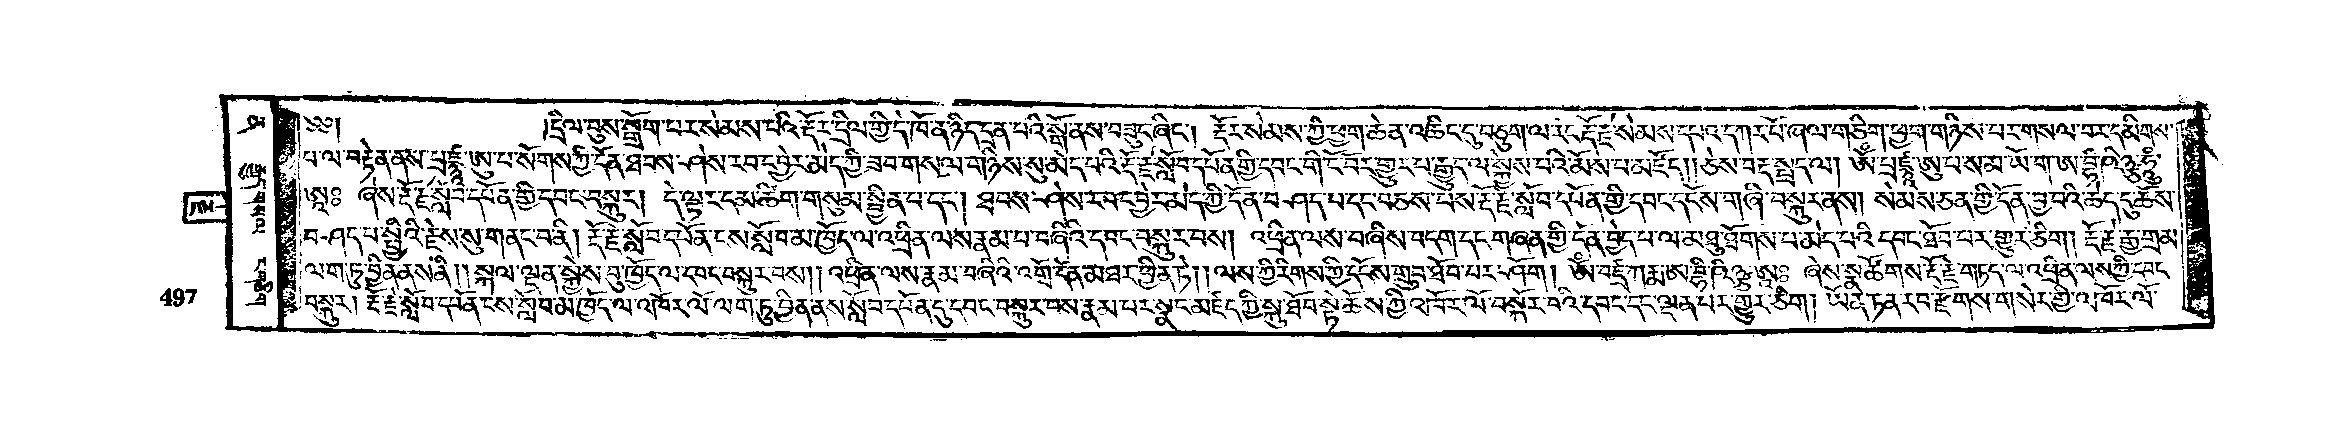༄༅། །དྲིལ་བུས་སྒྲོག་པར་སེམས་པའི་རྡོར་དྲིལ་གྱི་དེ་ཁོ་ན་ཉིད་དྲན་པའི་སྒོ་ནས་བཟུང་ཞིང་། རྡོར་སེམས་ཀྱི་ཕྱག་ཆེན་འཆིང་དུ་བཅུག་ལ་རང་རྡོ་རྗེ་སེམས་དཔའ་དཀར་པོ་ཞལ་གཅིག་ཕྱག་གཉིས་པར་གསལ་བར་དམིགས་
པ་ལ་བརྟེན་ནས་པྲཛྙཱ་ཨུ་པ་སོགས་ཀྱི་དོན་ཐབས་ཤེས་རབ་དབྱེར་མེད་ཀྱི་ཟབ་གསལ་གཉིས་སུ་མེད་པའི་རྡོ་རྗེ་སློབ་དཔོན་གྱི་དབང་གི་ངོ་བོར་གྱུར་པ་རྒྱུད་ལ་སྐྱེས་པའི་མོས་པ་མཛོད། །ཅེས་བརྡ་སྤྲད་ལ། ཨོཾ་པྲ་ཛྙཱ་ཨུ་པ་ས་མ་ཡོ་ག་ཨ་བྷི་ཥིཉྩ་ཧཱུཾ་
ཨཱཿ ཞེས་རྡོ་རྗེ་སློབ་དཔོན་གྱི་དབང་བསྐུར། དེ་ལྟར་དམ་ཚིག་གསུམ་སྦྱིན་པ་དང་། ཐབས་ཤེས་རབ་དབྱེར་མེད་ཀྱི་དོན་བཤད་པ་དང་བཅས་པས་རྡོ་རྗེ་སློབ་དཔོན་གྱི་དབང་དངོས་གཞི་བསྐུར་ནས། སེམས་ཅན་གྱི་དོན་བྱ་བའི་ཆེད་དུ་ཆོས་
བཤད་པ་སྤྱིའི་རྗེས་སུ་གནང་བ་ནི། རྡོ་རྗེ་སློབ་དཔོན་ངས་སློབ་མ་ཁྱོད་ལ་འཕྲིན་ལས་རྣམ་པ་བཞིའི་དབང་བསྐུར་བས། འཕྲིན་ལས་བཞིས་བདག་དང་གཞན་གྱི་དོན་བྱེད་པ་ལ་མཐུ་ཐོགས་པ་མེད་པའི་དབང་ཐོབ་པར་གྱུར་ཅིག །རྡོ་རྗེ་རྒྱ་གྲམ་
ལག་ཏུ་བྱིན་ནས་ནི། །སྐལ་ལྡན་སྐྱེས་བུ་ཁྱོད་ལ་དབང་བསྐུར་བས། །འཕྲིན་ལས་རྣམ་བཞིའི་འགྲོ་དོན་མཐར་ཕྱིན་ཏེ། །ལས་ཀྱི་རིགས་ཀྱི་དངོས་གྲུབ་ཐོབ་པར་ཤོག །ཨོཾ་བཛྲ་ཀརྨ་ཨ་བྷི་ཥིཉྩ་ཨཱཿ ཞེས་སྣ་ཚོགས་རྡོ་རྗེ་གཏད་ལ་འཕྲིན་ལས་ཀྱི་དབང་
བསྐུར། རྡོ་རྗེ་སློབ་དཔོན་ངས་སློབ་མ་ཁྱོད་ལ་འཁོར་ལོ་ལག་ཏུ་བྱིན་ནས་སློབ་དཔོན་དུ་དབང་བསྐུར་བས་རྣམ་པར་སྣང་མཛད་ཀྱི་སྐུ་ཐོབ་སྟེ་ཆོས་ཀྱི་འཁོར་ལོ་བསྐོར་བའི་དབང་དང་ལྡན་པར་གྱུར་ཅིག །ཡོན་ཏན་རབ་རྫོགས་གསེར་གྱི་འཁོར་ལོ་